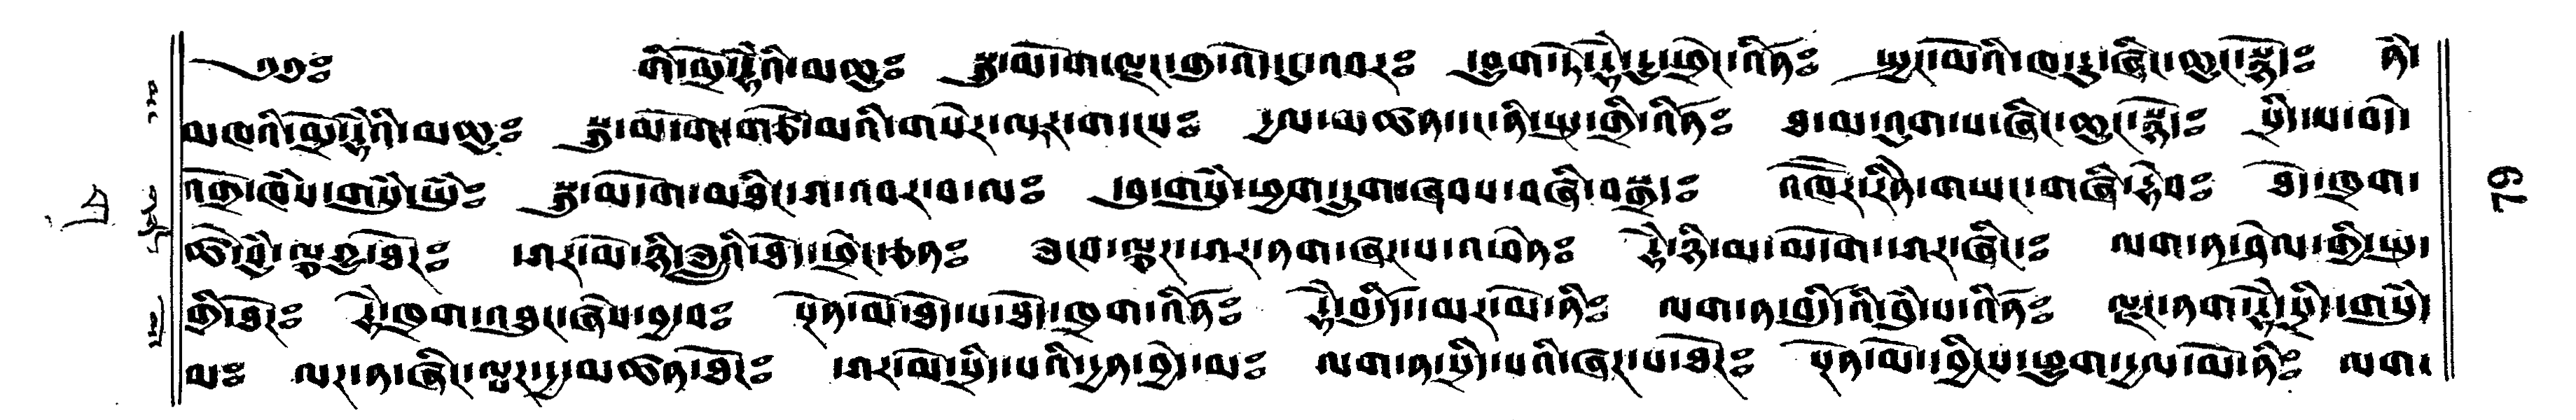གི་མཁའ་འགྲོ་རྡོ་རྗེའི་མཆུཿ སྐུ་མདོག་ལྗང་གུ་འོད་དུ་འབརཿ དབྱུག་ཏོ་རྡོ་རྗེ་རྒྱུ་ཕྲེང་འཛིནཿ སྤྱང་མོའི་ཁ་རུ་ཞིང་ཆུང་སྙོདཿ ནམ་
མཁའི་མཁའ་འགྲོ་རྡོ་རྗེའི་མཆུཿ སྐུ་མདོག་གཙོ་མའི་གསེར་ལྟར་གདངསཿ རྒྱལ་མཚན་དང་ནི་སྤུ་གྲི་འཛིནཿ ཐ་མ་འུག་པ་ཞིང་ཆུང་སྙོདཿ སྲིད་པ་བདེ་
འགྲོ་ཁམས་གསུམ་ཡུམཿ སྐུ་མདོག་མཐིང་ཀ་འབར་བ་ལཿ དབུ་གསུམ་ཕྱག་དྲུག་ཞབས་བཞི་བསྒྲདཿ འཁོར་ལོ་རིན་ཆེན་གཡང་གཞི་རྡེབཿ ཐོད་ཁྲག་
ཚེ་བུམ་ལྕགས་ཀྱུ་ཐོགསཿ དཀར་མོ་ཉི་ཟླའི་ཐོད་ཕྲེང་ཅནཿ ཟངས་ལྕགས་དཀར་ནག་ཞགས་པ་འཕེནཿ རྡོ་རྗེ་ཉི་མ་མདོག་དཀར་ཞིང་ཿ ལག་ན་ཤེལ་གྱི་སྤུ་
གྲི་ཐོགསཿ རྡོ་རྗེ་ཁྲག་འཐུང་ཞེས་བྱ་བཿ སྔོན་མོ་ཐོད་པ་ཐོད་ཁྲག་འཛིནཿ རྡོ་རྗེ་བདུད་རྩི་དམར་མོ་ནིཿ ལག་ན་བདུད་རྩིའི་བུམ་པ་འཛིནཿ ལྗང་ནག་རྡོ་རྗེ་སྲིད་གསུམ་
མཿ ལག་ན་ཞིང་ལྤགས་རྒྱལ་མཚན་ཐོགསཿ དཀར་མོ་སྲིད་པའི་རྒྱན་བྱེད་མཿ ལག་ན་སྲིད་པའི་ཞགས་པ་ཐོགསཿ སྔོན་མོ་དབྱིངས་ཕྱུག་རྒྱལ་མོ་ནིཿ ལག་